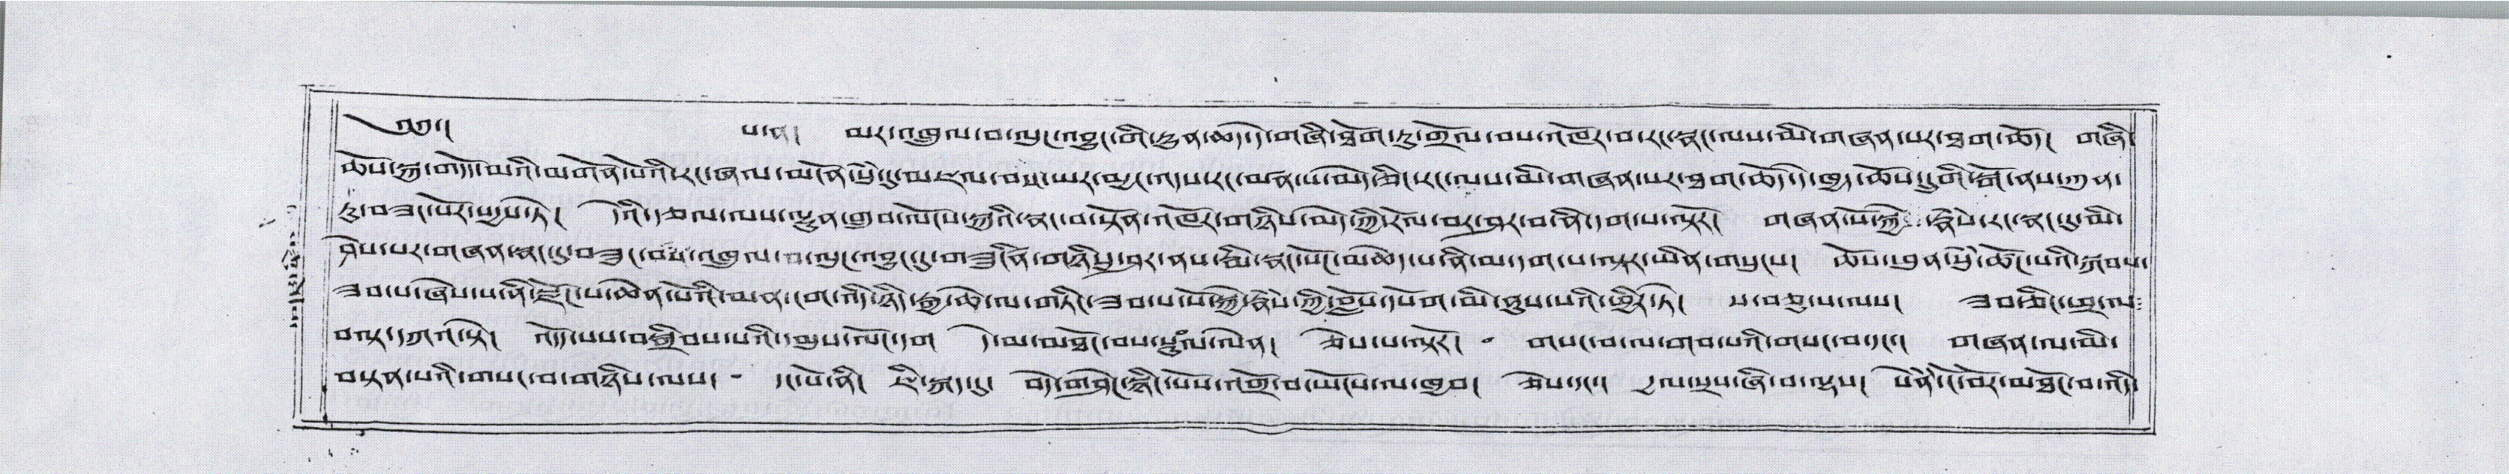པ་ན། མར་འཁྲུལ་པ་ལུགས་འབྱུང་གི་རྒྱུན་ཆད་དེ་གཞི་ཐོག་ཏུ་གྲོལ་བས་འཁོར་བ་རང་སྣང་ལས་མི་གཞན་པར་ཐག་ཆོད། གཞི་
ཆོས་སྐུ་གདོད་མའི་མགོན་པོའི་རང་ཞལ་མངོན་སུམ་དུ་མཇལ་ཡར་མྱང་འདས་རང་མཚན་པ་མེད་ཅིང་རང་ལས་མི་གཞན་པར་ཐག་ཆོད་དེ་ཁྱད་ཆོས་དྲུག་གི་སྒོ་ནས་ཀུན་
ཏུ་བཟང་པོར་སངས་རྒྱས་ཏེ། དེའི་རྩལ་ལས་ལྷུན་གྲུབ་ལོངས་སྐུའི་སྣང་བ་སྟོན་འཁོར་གཉིས་མེད་ཀྱི་རོལ་པར་ཤར་བ་ནི་དག་པ་ལྟར་རོ། གཞན་སོ་སྐྱེ་རྣམས་རང་སྣང་དུ་མི་
ཤེས་པར་གཞན་སྣང་དུ་བཟུང་བས་འཁྲུལ་པ་ལུགས་འབྱུང་དུ་གཟུང་འཛིན་གཉིས་སུ་ཤར་ནས་མི་སྣང་སོགས་མཆེད་པ་ནི་མ་དག་ལྟར་ཡིན་གསུངས། ཆོས་ཕུན་སུམ་ཚོགས་པའི་སྐབས། 
ཟབ་པ་ཞེས་པ་ནི་རྫོགས་པ་ཆེན་པོའི་མན་ངག་འདི་ཉིད་རྒྱ་ཆེ་ལ་གཏིང་ཟབ་པ་སོ་སྐྱེ་རྣམས་ཀྱི་བློ་དཔོག་མི་ནུས་པའི་ཕྱིར་ཏེ། ས་བཅུ་པ་ལས། ཟབ་ཅིང་ཕྲ་ལ་
བལྟ་དཀའ་སྟེ། འདོད་པས་བསྒྲིབས་པའི་དམུས་ལོང་དག དེ་མ་མཐོང་བས་སྡུག་བསྔལ་ལེན། ཅེས་པ་ལྟར་རོ། གསང་བ་ལ་གབ་པའི་གསང་བ་དང་། གཞན་ལ་མི་
བསྟན་པའི་གསང་བ་གཉིས་ལས། དང་པོ་ནི། ཇི་སྐད་དུ། བདེར་གཤེགས་སྙིང་པོས་འགྲོ་བ་ཡོངས་ལ་ཁྱབ། ཅེས་དང་། རྒྱལ་སྲས་ཞི་བ་ལྷས། སེམས་ཅན་ངོ་བོར་མཐོང་བ་འདི་